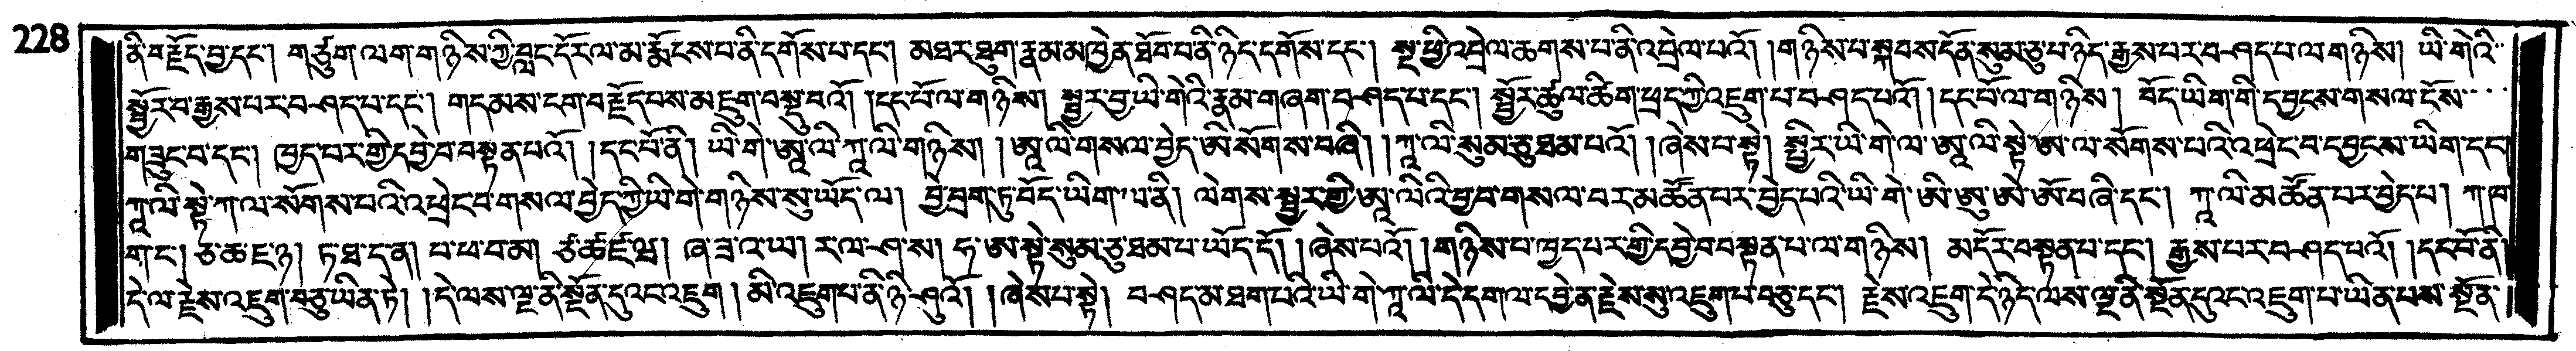ནི་བརྗོད་བྱ་དང་། གཙུག་ལག་གཉིས་ཀྱི་བླང་དོར་ལ་མ་རྨོངས་པ་ནི་དགོས་པ་དང་། མཐར་ཐུག་རྣམ་མཁྱེན་ཐོབ་པ་ནི་ཉིད་དགོས་དང་། སྔ་ཕྱི་འབྲེལ་ཆགས་པ་ནི་འབྲེལ་པའོ། །གཉིས་པ་སྐབས་དོན་གསུམ་བཅུ་པ་ཉིད་རྒྱས་པར་བཤད་པ་ལ་གཉིས། ཡི་གེའི་
སྦྱོར་བ་རྒྱས་པར་བཤད་པ་དང་། གདམས་ངག་བརྗོད་པས་མཇུག་བསྡུ་བའོ། །དང་པོ་ལ་གཉིས། སྦྱར་བྱ་ཡི་གེའི་རྣམ་གཞག་བཤད་པ་དང་། སྦྱོར་ཚུལ་ཚིག་ཕྲད་ཀྱི་འཇུག་པ་བཤད་པའོ། །དང་པོ་ལ་གཉིས། བོད་ཡིག་གི་དབྱངས་གསལ་ངོས་
གཟུང་བ་དང་། ཁྱད་པར་གྱི་དབྱེ་བ་བསྟན་པའོ། །དང་པོ་ནི། ཡི་གེ་ཨཱ་ལི་ཀཱ་ལི་གཉིས། །ཨཱ་ལི་གསལ་བྱེད་ཨི་སོགས་བཞི། །ཀཱ་ལི་སུམ་ཅུ་ཐམ་པའོ། །ཞེས་པ་སྟེ། སྤྱིར་ཡི་གེ་ལ་ཨཱ་ལི་སྟེ་ཨ་ལ་སོགས་པའི་འཕྲེང་བ་དབྱངས་ཡིག་དང་།
ཀཱ་ལི་སྟེ་ཀ་ལ་སོགས་པའི་འཕྲེང་བ་གསལ་བྱེད་ཀྱི་ཡི་གེ་གཉིས་སུ་ཡོད་ལ། བྱེ་བྲག་ཏུ་བོད་ཡིག་ལ་ནི། ལེགས་སྦྱར་གྱི་ཨཱ་ལིའི་བྱ་བ་གསལ་བར་མཚོན་པར་བྱེད་པའི་ཡི་གེ་ཨི་ཨུ་ཨེ་ཨོ་བཞི་དང་། ཀཱ་ལི་མཚོན་པར་བྱེད་པ། ཀ་ཁ་
ག་ང་། ཅ་ཆ་ཇ་ཉ། ཏ་ཐ་དད་ན། པ་ཕ་བ་མ། ཙ་ཚད་ཛ་ཝ། ཞ་ཟ་འ་ཡ། ར་ལ་ཤ་ས། ཧ་ཨ་སྟེ་སུམ་ཅུ་ཐམ་པ་ཡོད་དོ། །ཞེས་པའོ། །གཉིས་པ་ཁྱད་པར་གྱི་དབྱེ་བ་བསྟན་པ་ལ་གཉིས། མདོར་བསྟན་པ་དང་། རྒྱས་པར་བཤད་པའོ། །དང་པོ་ནི།
དེ་ལ་རྗེས་འཇུག་བཅུ་ཡིན་ཏེ། །དེ་ལས་ལྔ་ནི་སྔོན་དུའང་འཇུག། །མི་འཇུག་པ་ནི་ཉི་ཤུའོ། །ཞེས་པ་སྟེ། བཤད་མ་ཐག་པའི་ཡི་གེ་ཀཱ་ལི་དེ་དག་ལ་དབྱེ་ན་རྗེས་སུ་འཇུག་པ་བཅུ་དང་། རྗེས་འཇུག་དེ་ཉིད་ལས་ལྔ་ནི་སྔོན་དུའང་འཇུག་པ་ཡིན་པས་སྔོན་